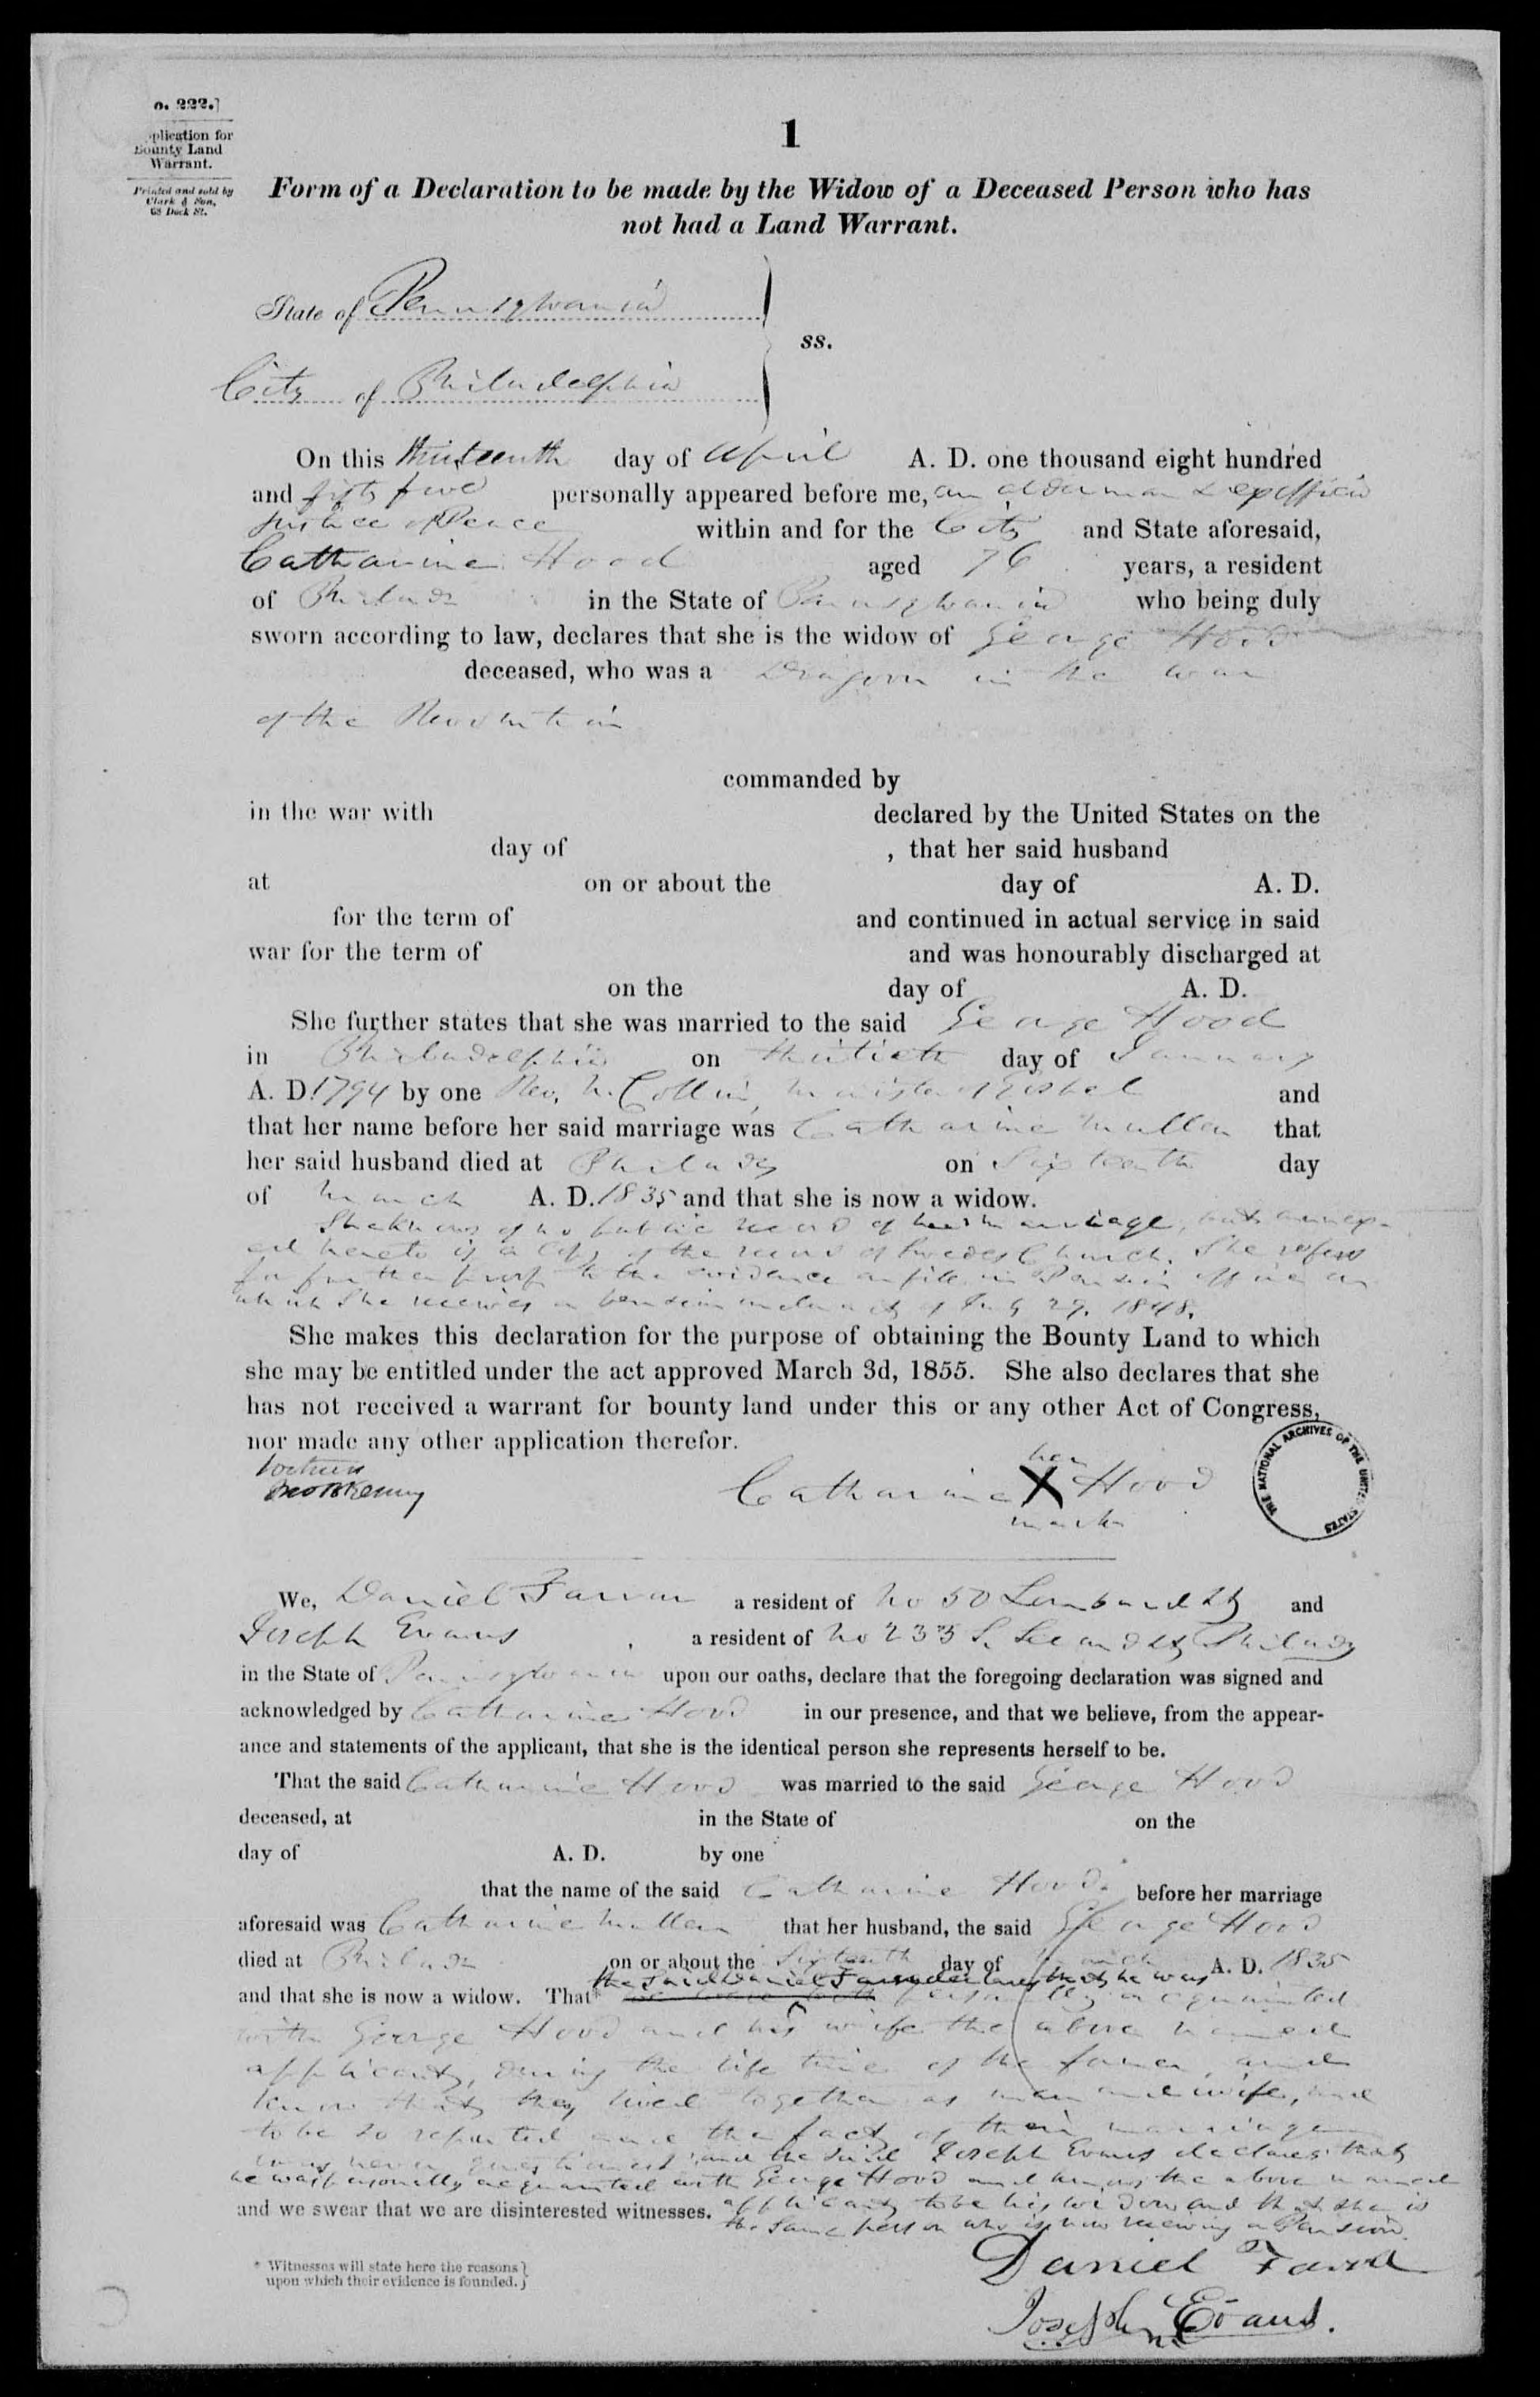O. 222
Application for Bounty Land Warrant.
Printed and Sold by Clark and Son, 
68 Dock Nt.
1
Form of a Declaration to be made by the Widow of a Deceased Person who has not had a Land Warrant.
State of Pennsylvania
City of Philadelphia
On this thirteenth day of April A. D. one thousand eight hundred
and fifty five thousand personally appeared before me, an Alderman and ex officio Justice of the Peace within and for the City and State aforesaid, Catharine Hood aged 76 years, a resident of Philadelphia in the State of Pennsylvania, who being duly sworn to according to law, declares that she is the widow of George Hood deceased, who was a Dragoon in the War of the Revolution.
Commanded by [Blank] in the war with [Blank] declared by the United States on the [Blank] day of [Blank], that her said husband at [Blank] on or about the [Blank] day of [Blank] A.D. for the term of [Blank] and continued in actual service in said war for the term of [Blank] and was honorably discharged at [Blank] on the [Blank] day of [Blank] A.D. 
She further states that she was married to the said George Hood in Philadelphia on thirtieth day of January A.D. 1794 by one Rev. Collins [Illegible Ink Marks] and that her name before said marriage was Catharine Müller that her said husband died at Philadelphia on sixteenth day of March A.D. 1835 and that she is now a widow.
[Illegible Ink Marks]
She makes this declaration for the purpose of obtaining the Bounty Land to which she may be entitled under the act approved March 3rd, 1855. She also declares that she has not received a warrant for bounty land under this or any other Act of Congress, nor made any other application therefor.
[Illegible Ink Marks]
Catharine Hood

We, Daniel Farrar, a resident of No. 50 Lombardy and Joseph Evans, a resident of No. 233 Lombardy, Philadelphia, in the State of Pennsylvania upon our oaths, declare that the foregoing declaration was signed and acknowledged in our presence, and that we believe, from the appearance and statements of the applicant, that she is the identical person she represents herself to be.
That the said Catharine Hood was married to the said George Hood deceased[.]
[Illegible Ink Marks]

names: Catharine Mullen, Catharine Hood, Daniel Farrar, George Hood, Catharine Mullen, Joseph Evans, N Collin, Catharine Hood, George Hood, Joseph Evans, Joseph Evans, Catharine Hood, George Hood, Catharine Hood, George Hood, George Hood, Jno B Kenny, Catharine Hood, Daniel Farra, George Hood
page: 10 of 51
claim: widow's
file: W 8939, George Hood, Continental Va.